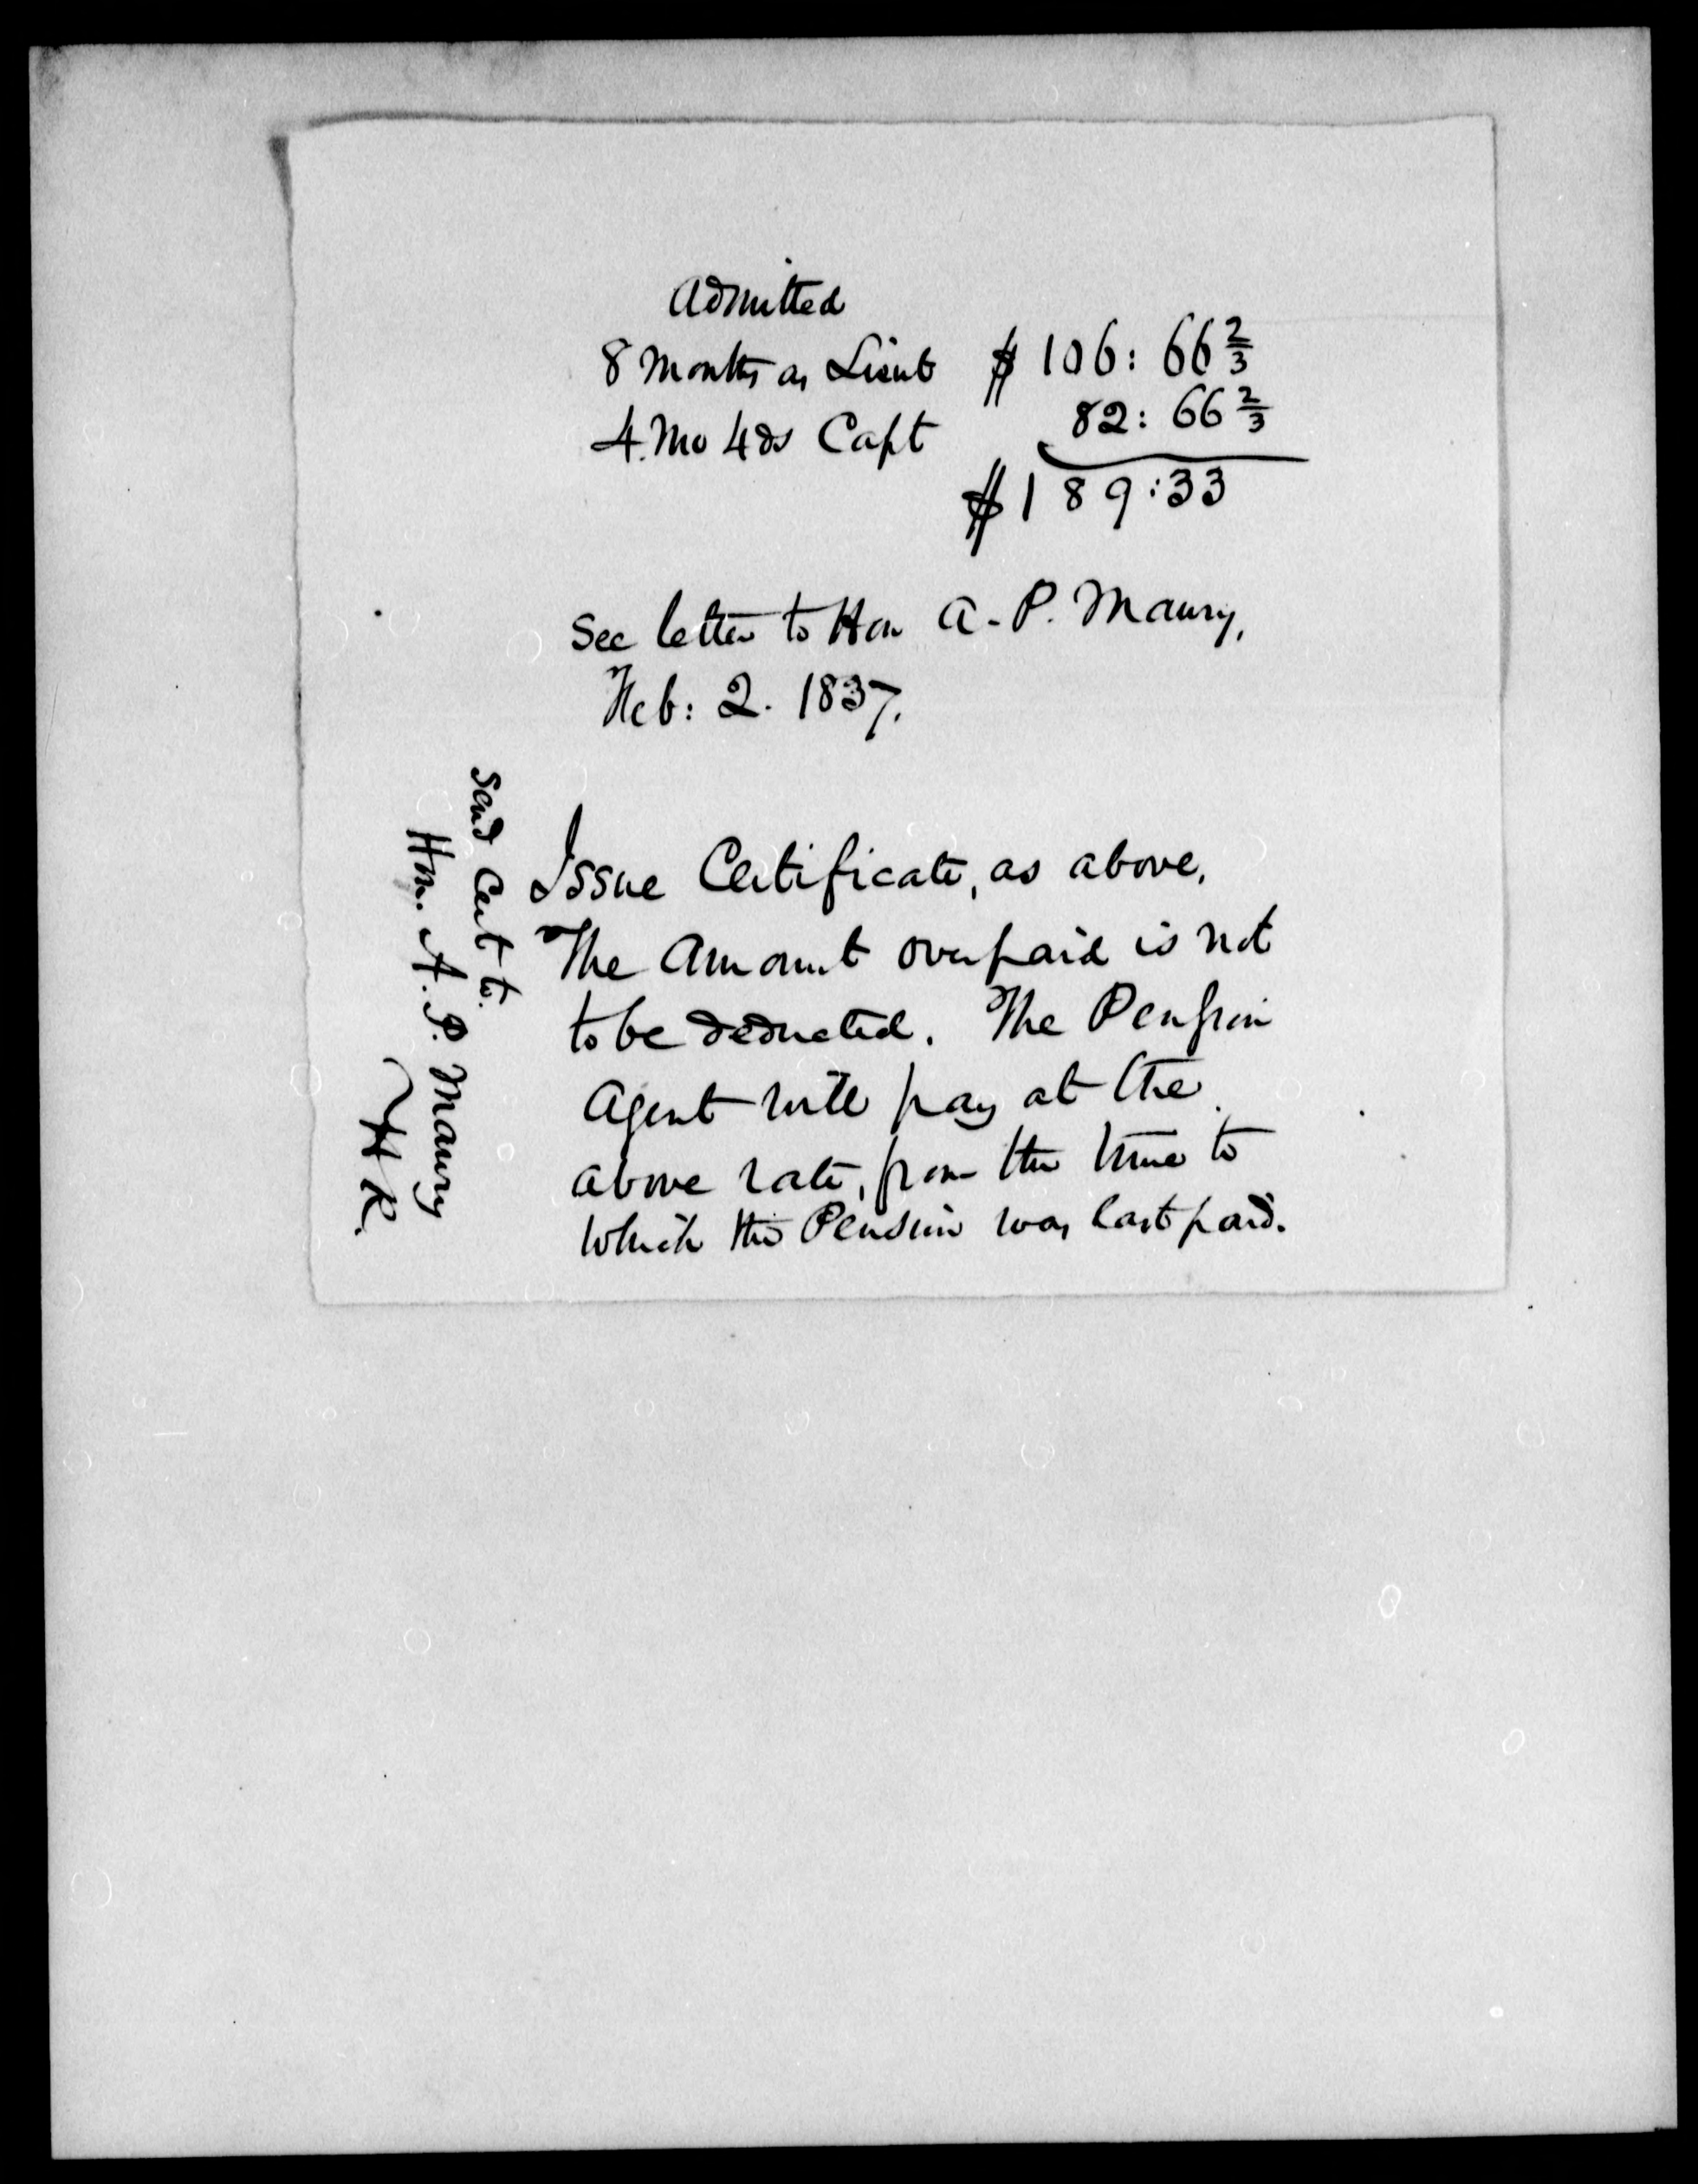Admitted
8 months as Lieut $106 : 66 2/3
4 mo 4 ds Capt 82 : 66 2/3
$189 : 33

see letter to Hon. A. P. Maury,
Feb : 2. 1837.

Issue Certificate, as above, The Amount overpaid is not to be deducted. The Pension Agent will pay at the above rate, from the time to which the Pension was last paid.

Send Cert to Hon. A. P. Maury 
H. R.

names: A P Maury, A P Maury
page: 90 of 105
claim: survivor's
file: S. 1883, Richard Vernon, N.C.